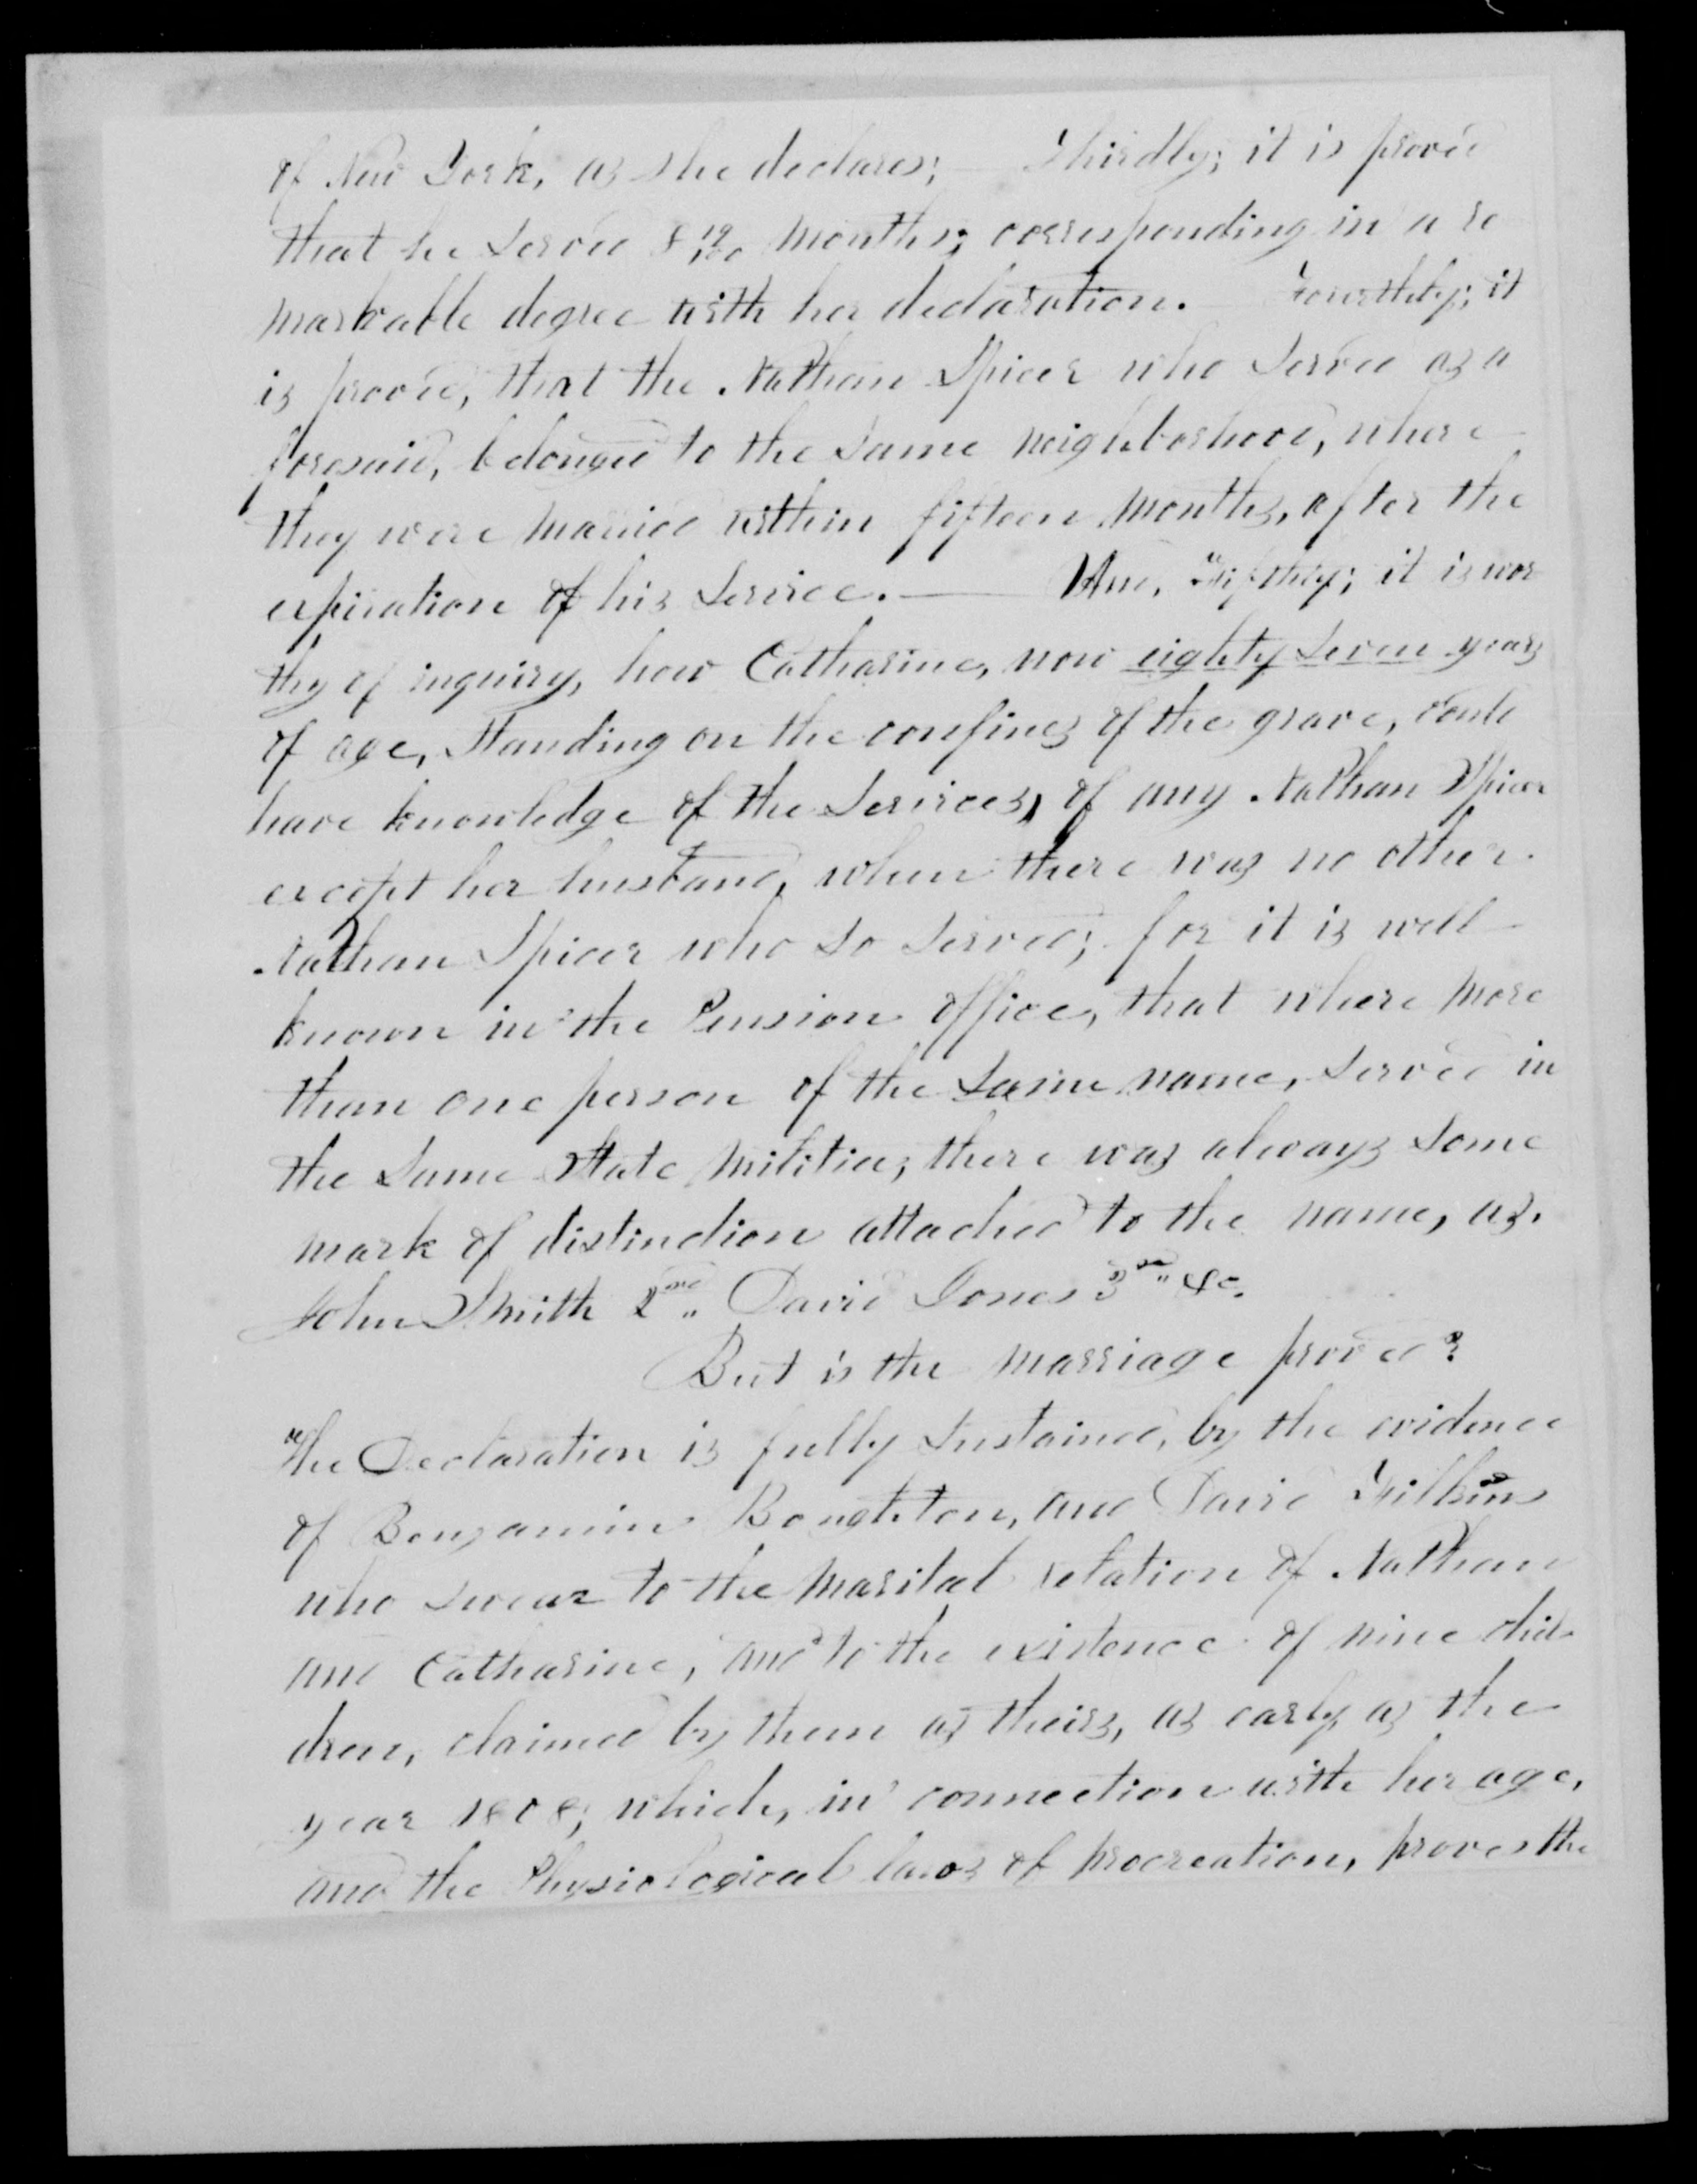of New York, as she declares; Thirdly; it is proved that he served 8 19/100 months; corresponding in a remarkable degree with her declaration. Fourthly; it is proved, that the Nathan Spicer who served as aforesaid, belonged to the same neighborhood, where they were married within fifteen months, after the expiration of his service.—And, fifthly; it is worthy of inquiry, how Catherine, now eighty seven years of age, standing on the confines of the grave, could have knowledge of the services of any Nathan Spicer except her husband, when there was no other Nathan Spicer who so served; for it is well known in the Pension office, that where more than one person of the same name, served in the same state militia, there was always some mark of distinction attached to the name, viz. John Smith 2nd David Jones 3rd &c.
But is the marriage proved? The Declaration is fully sustained by the evidence of Benjamin Boughton and David Fikins who swear to the marital relation of Nathan and Catherine, and the evidence of nine children, claimed by them as theirs, as early as the year 1808, which in connection with her age, and the Physiological laws of procreation, proves the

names: Catharine [BLANK]; Nathan Spicer; John Smith; Nathan Spicer; Nathan Spicer; Catharine [BLANK]; David Jones; Benjamin Boughton; Nathan [BLANK]; David Filkins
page: 26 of 33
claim: rejected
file: R. 5603, for Nathan Spicer, New York